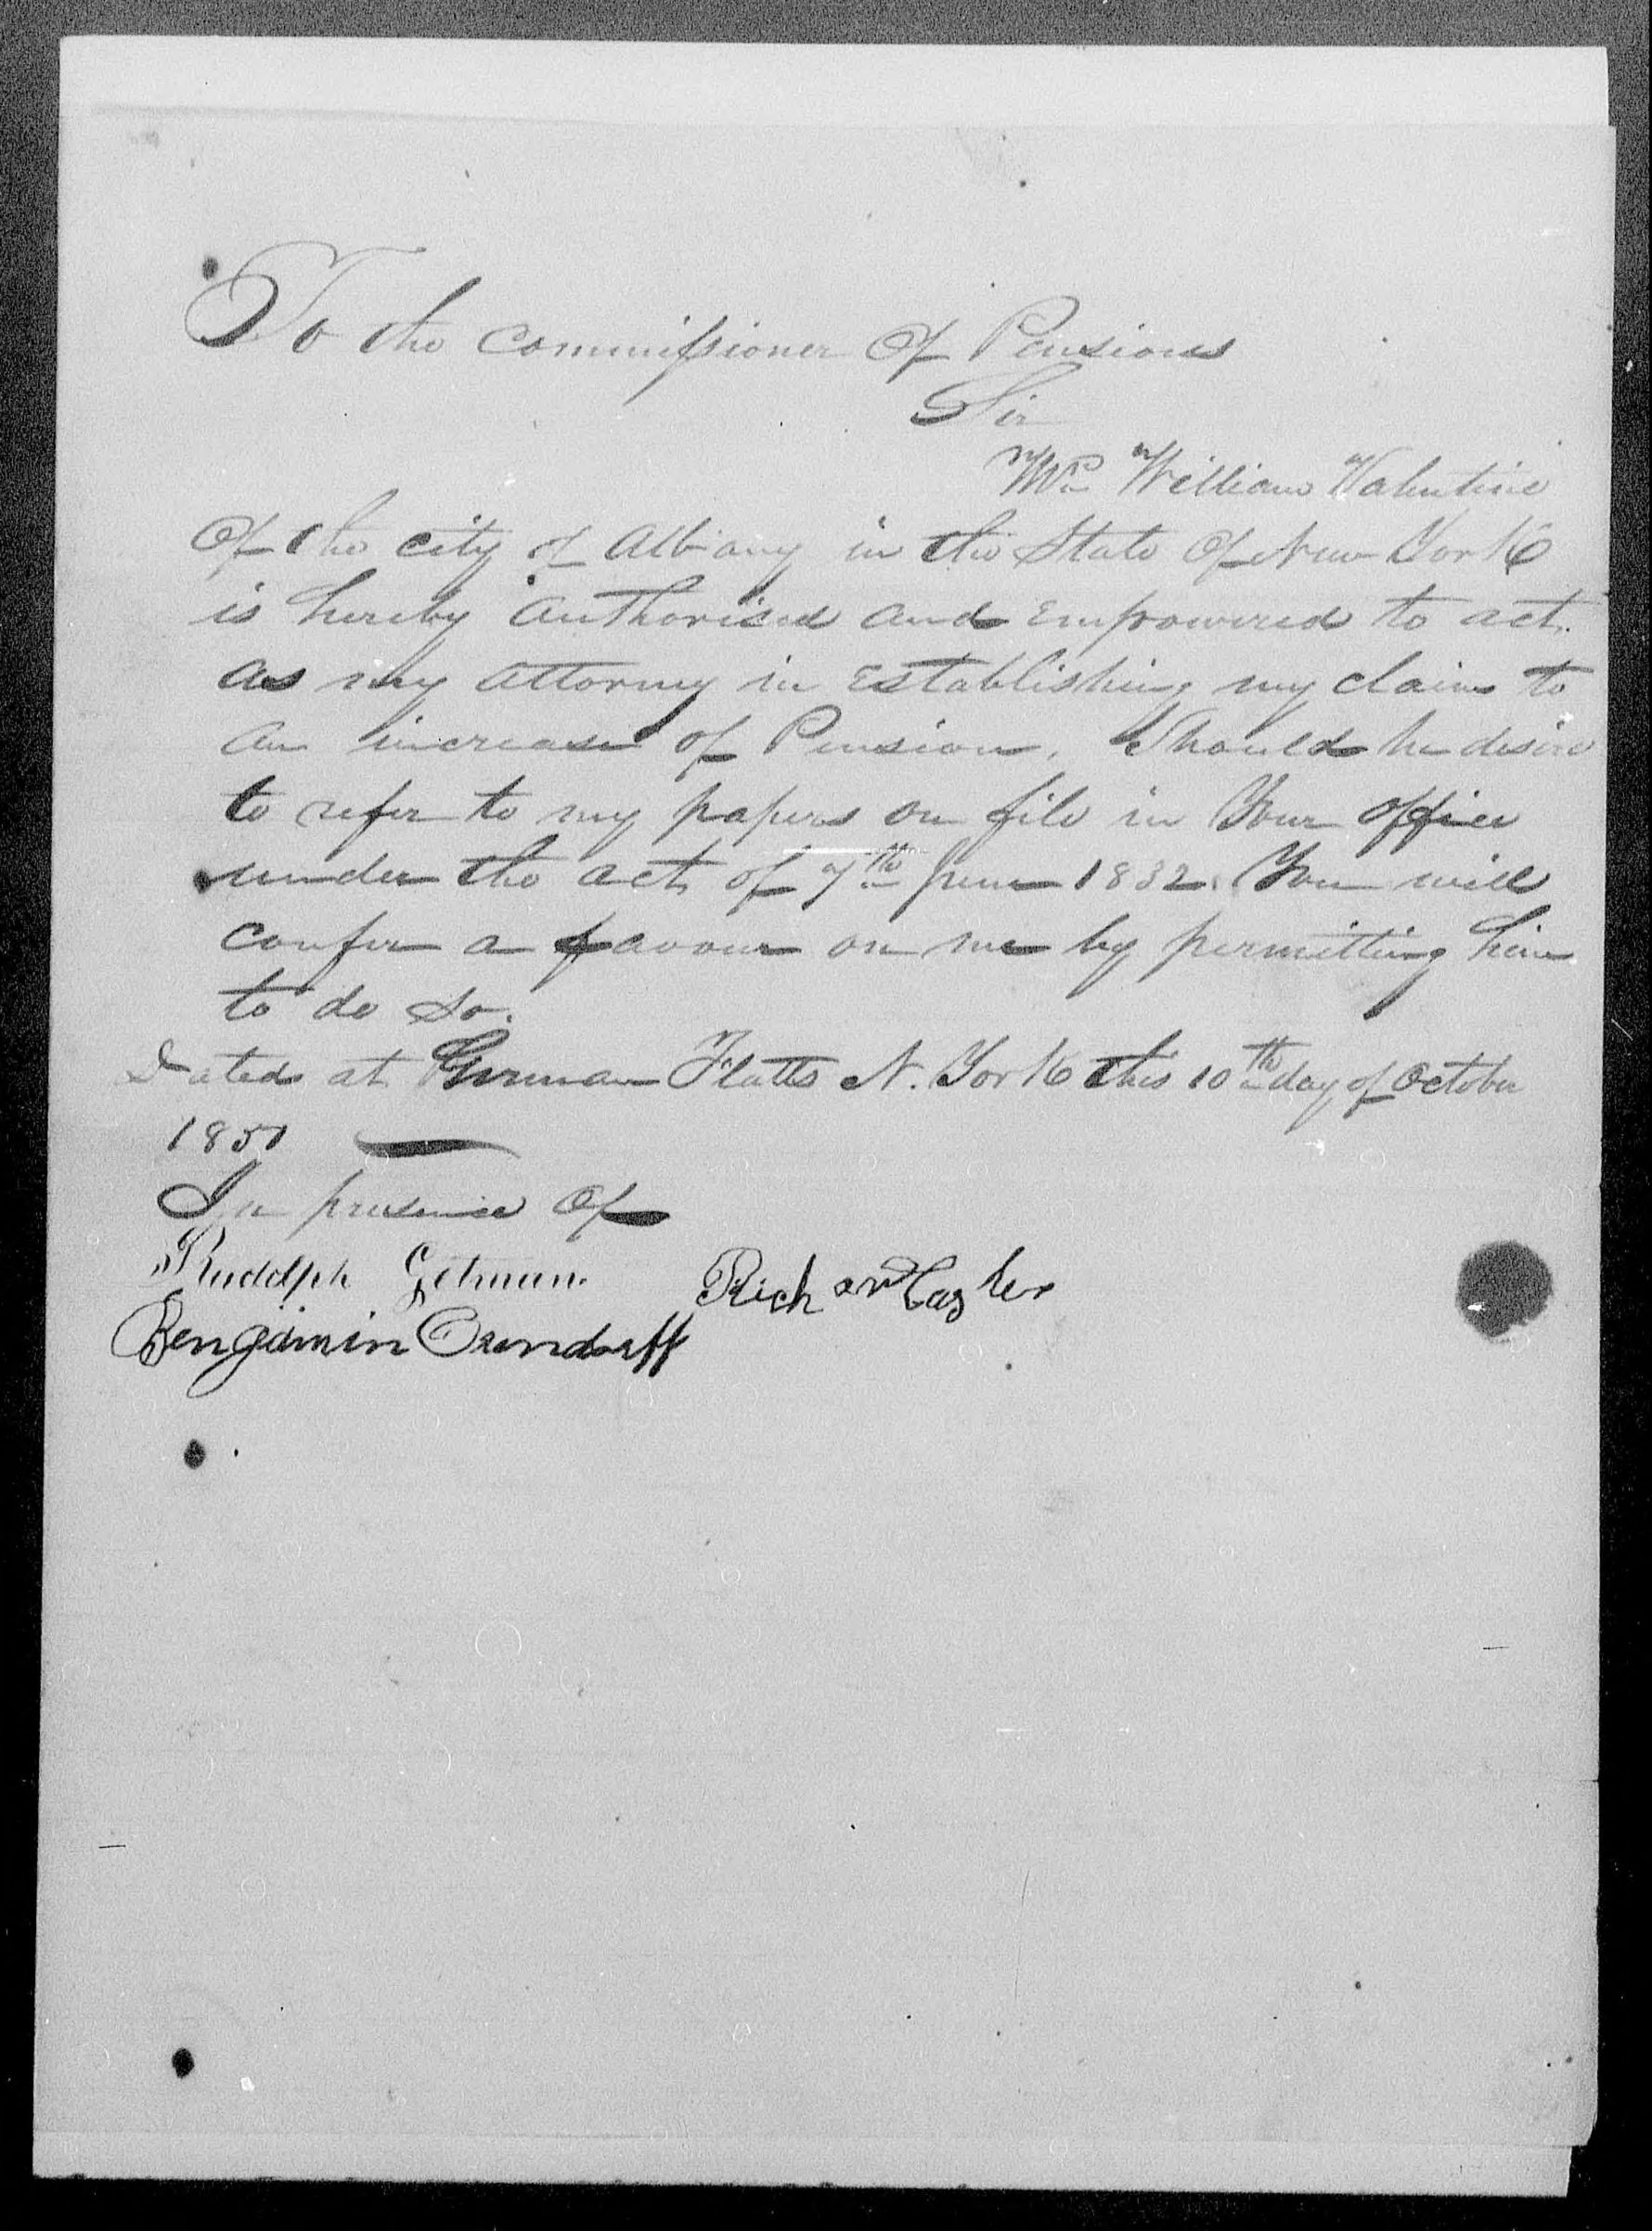To the Commissioner of Pensions 
Sir
Mr. William Valentine of the City of Albany in the State of New York is hereby authorized and empowered to act. as my attorney in establishing my claim to an increase of Pension. Should he desire to refer to my papers on file in your office under the act of 7th June 1832. You will confer a favour on me by permitting him to do so. 
Dated at German Flatts N. York this 10th day of October 1851 
[signed] Richard Casler
In presence of Rudolph Getman  Benjamin Orendorff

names: Rudolph Getman, Benjamin Brandorff, William Valentine, Richard Casler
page: 45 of 66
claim: widow's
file: W. 6637, Richard Caslar, New York